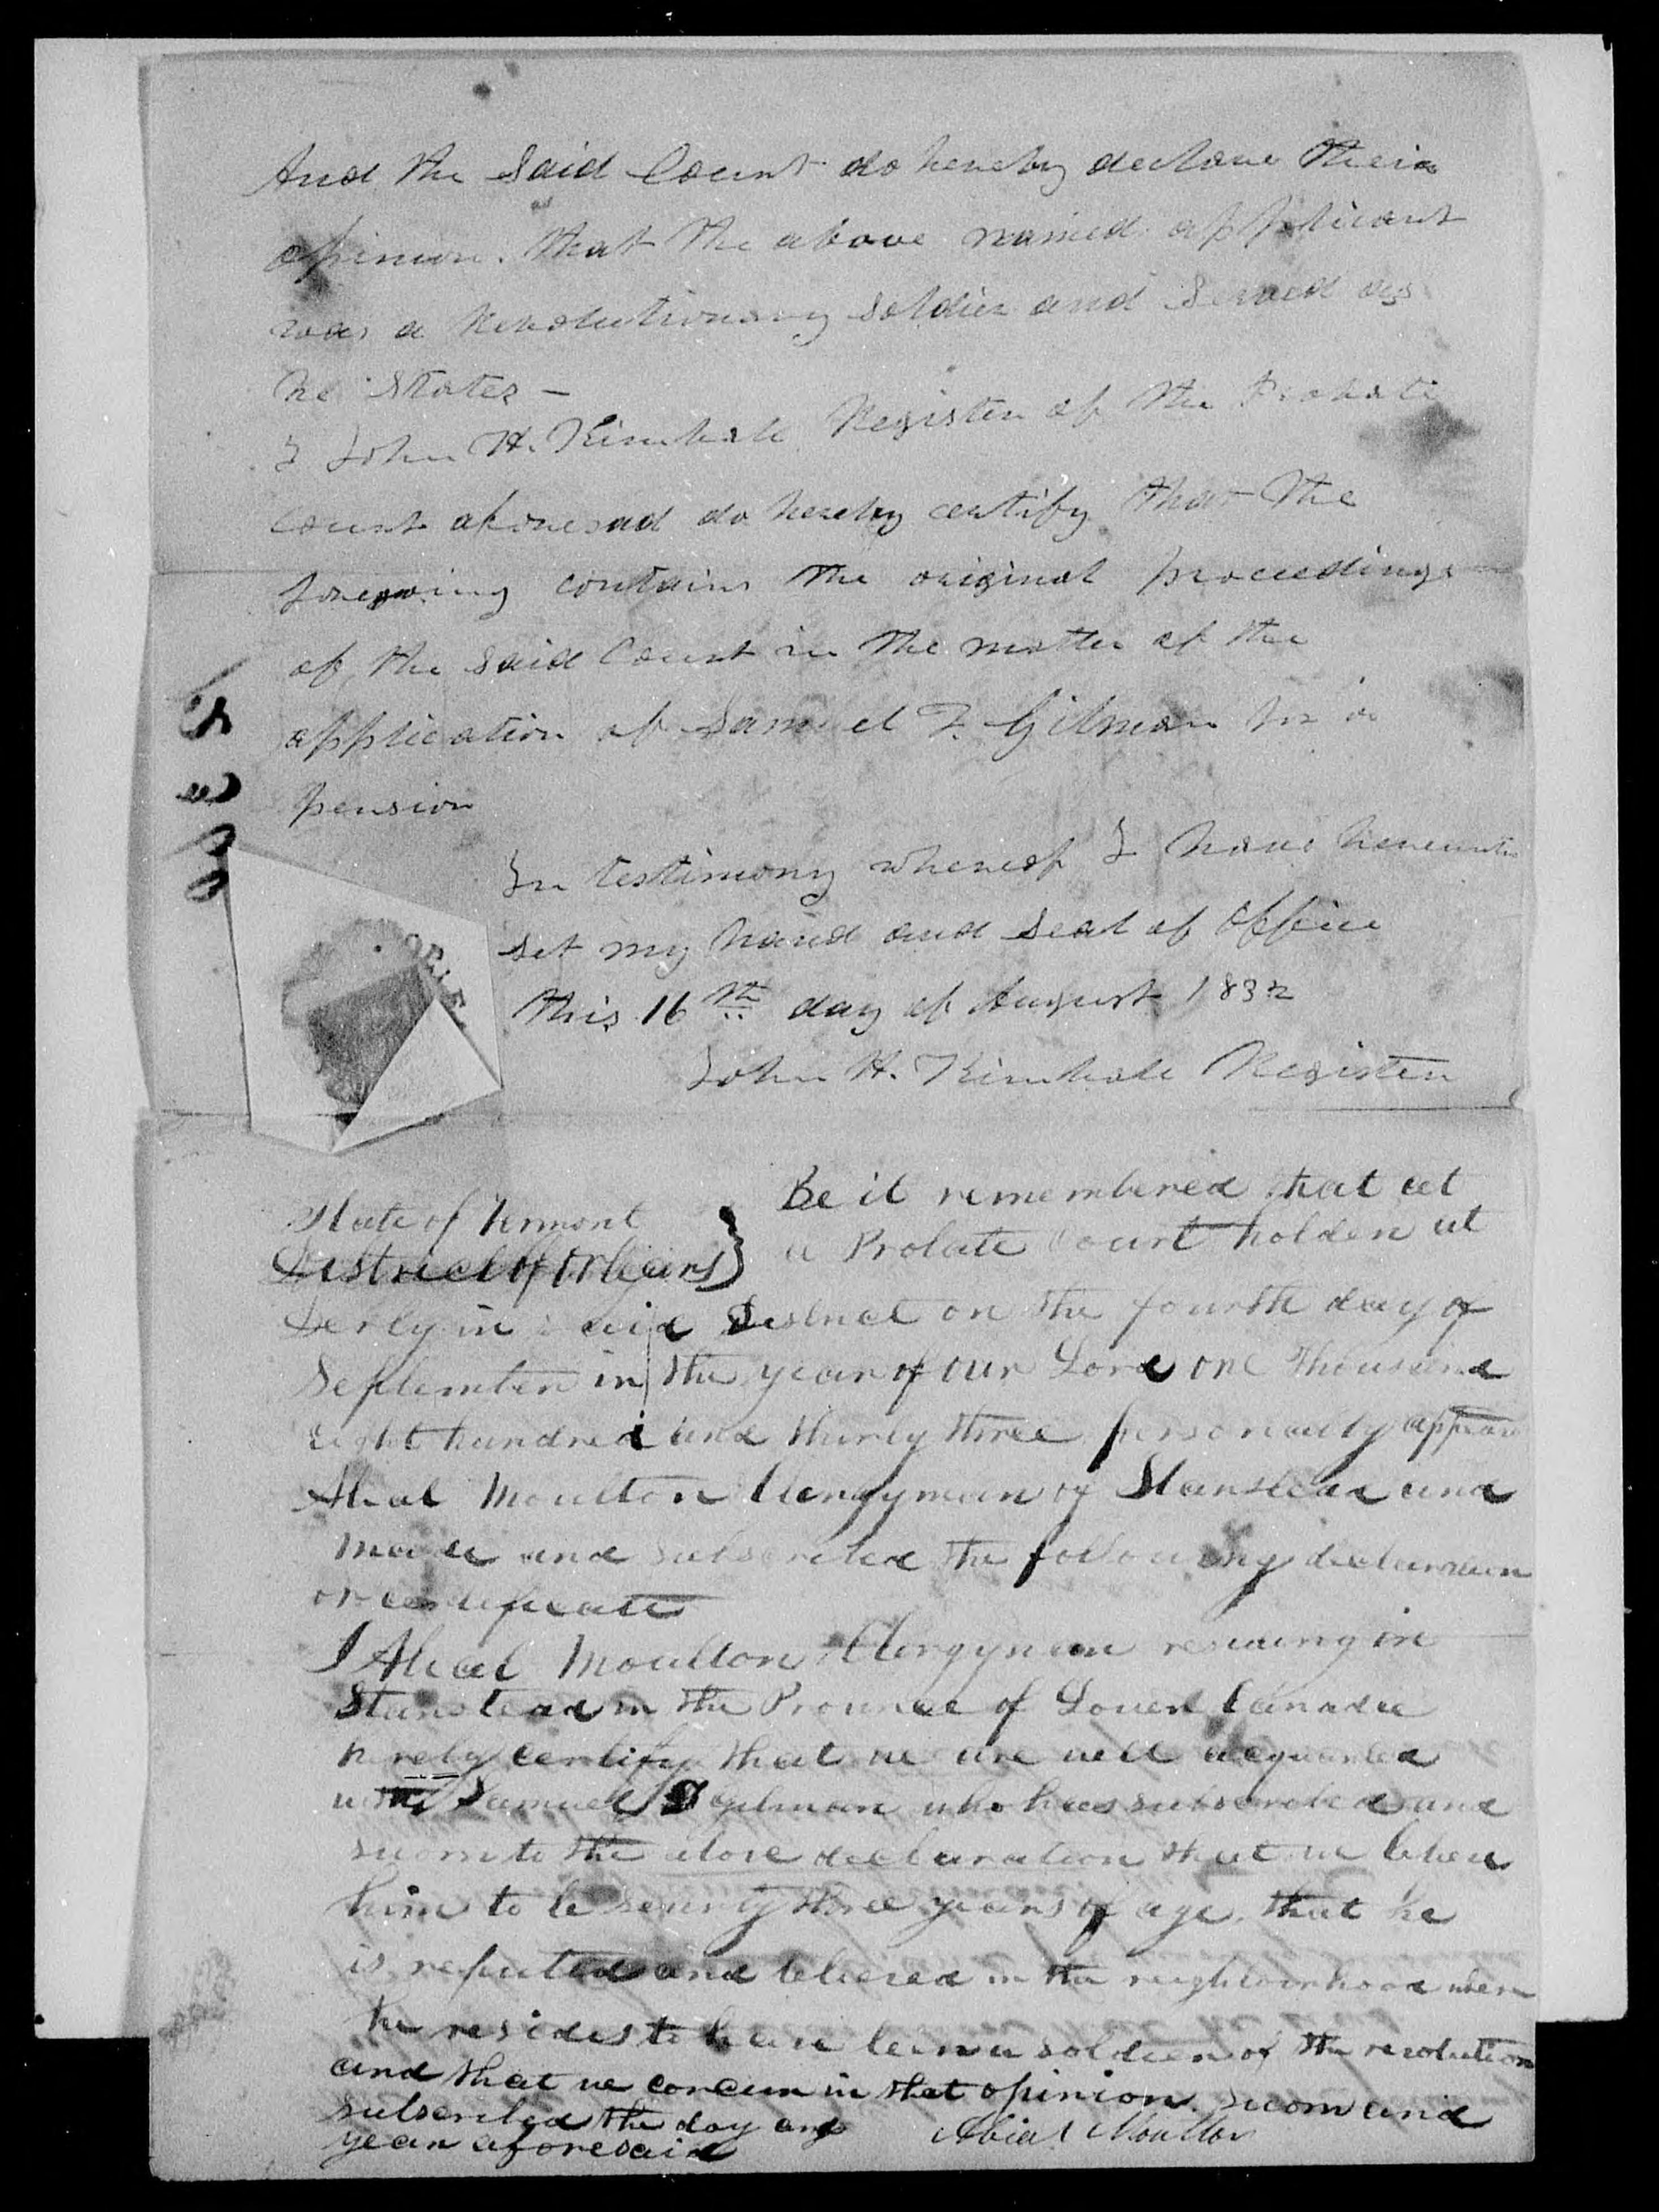And the said Court do hereby declare their opinion that the above named applicant was a Revolutionary soldier and served as he stated-
I John H. Kimball Register of the Probate Court aforesaid do hereby certify that the foregoing contains the original proceedings of the said Court in the matter of the application of Samuel T. Gilman for a pension
In testimony whereof I have hereunto set my hand and Seal of office this 16th day of August 1832
John H. Kimball Register
State of Vemront
District of Orleans }
Be it remembered that at a Probate Court holden at Derby in this District on the fourth day of September in the year of our Lord one Thousand eight hundred and thirty three personally appeared Abial Moulton Cergyman of Stanstead and made and subscribed the following declaration or certificate
I Abial Moulton Cergyman residing in Stanstead in the Province of Lower Canada hereby certify that we are well acquainted with Samuel T Gilman who has subscribed and sworn to the above declaration that we believe him to be seventy three years of age, that he is respected and [illeg] in the neighborhood where he resides to have been a soldier of the revolution and that we concur in that opinion [illeg] and year aforesaid
Abial Moulton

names: Samuel T Gilman, Samuel T Gilman, John H Kimball, Abial Moulton, Abial Moulton, John H Kimball, Abial Moulton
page: 12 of 61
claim: widow's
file: W. 19500, Samuel Thing Gilman, Continental N.H.